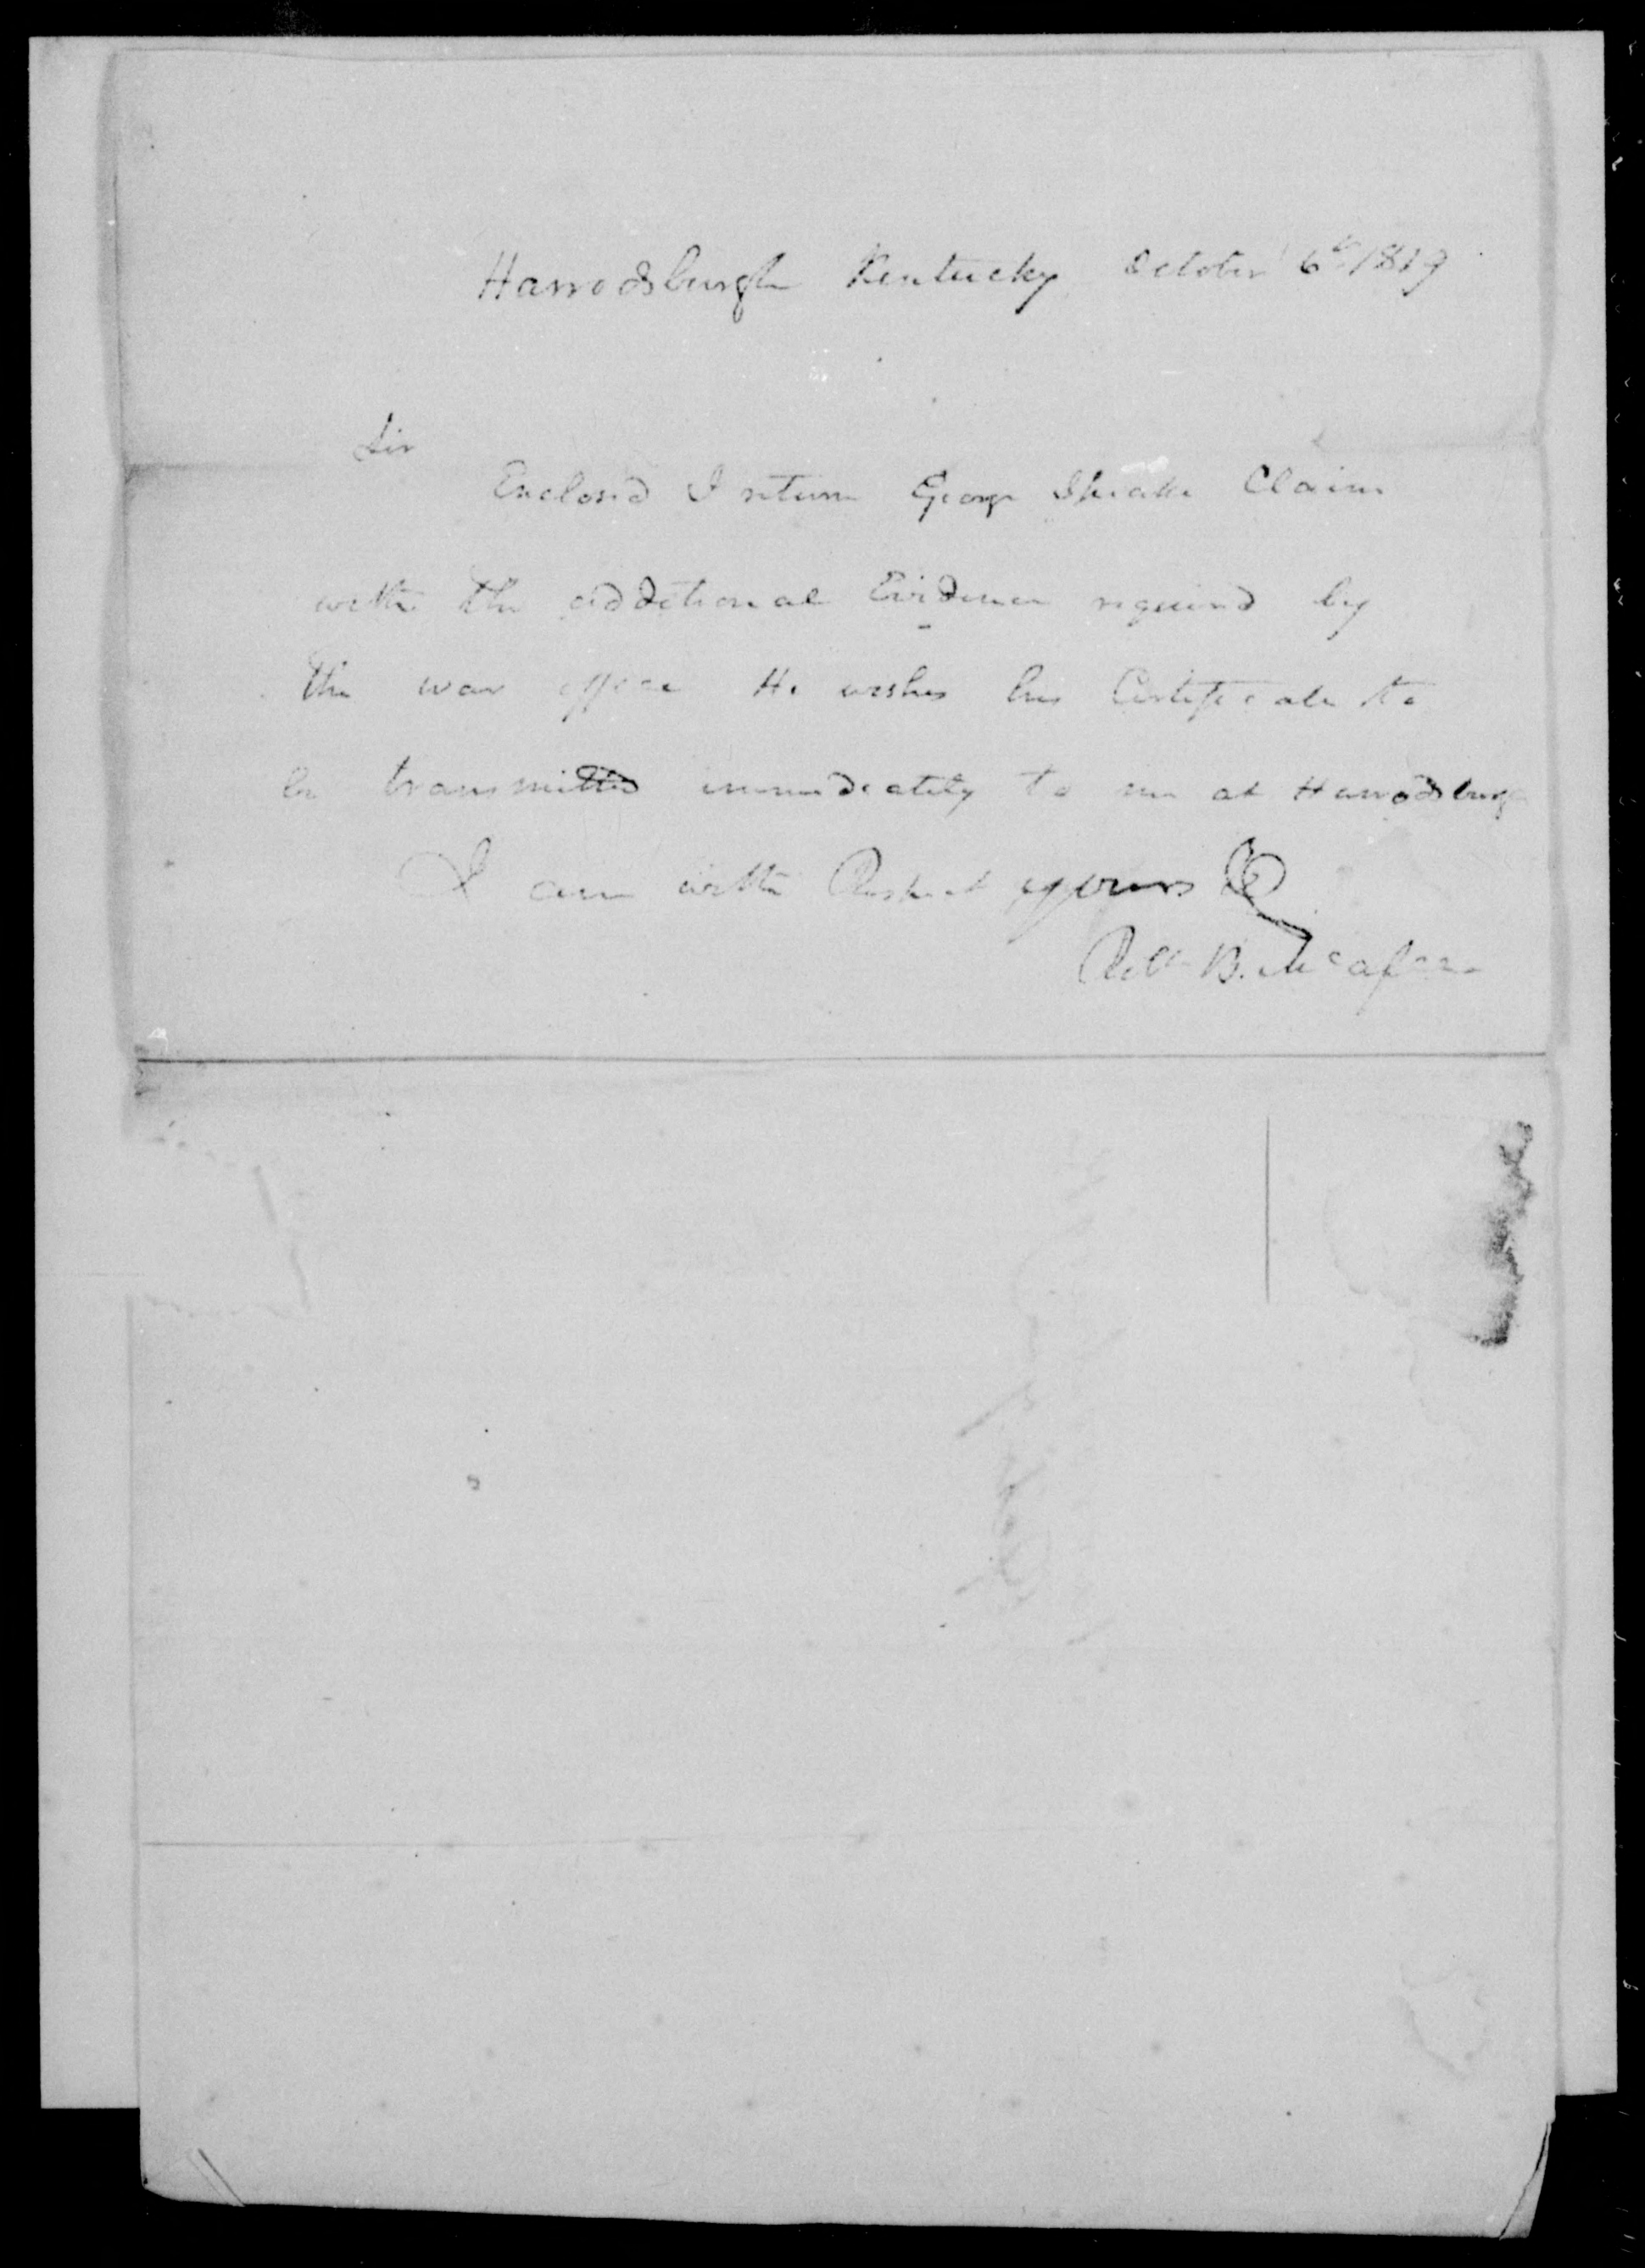Harrodsburgh Kentucky October 6th 1819

Sir
Enclosed I return George Speak's Claim wit the additional evidence required by the war office. He wishes his certificate to be transmitted immediately to me at Harrodsburg.
I am with Respect Your OS
Robt. B. McAfee
[Signature]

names: George Speake; Robt B Mc Afee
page: 12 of 15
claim: survivor's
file: S. 37,435, for George Speak, Virginia